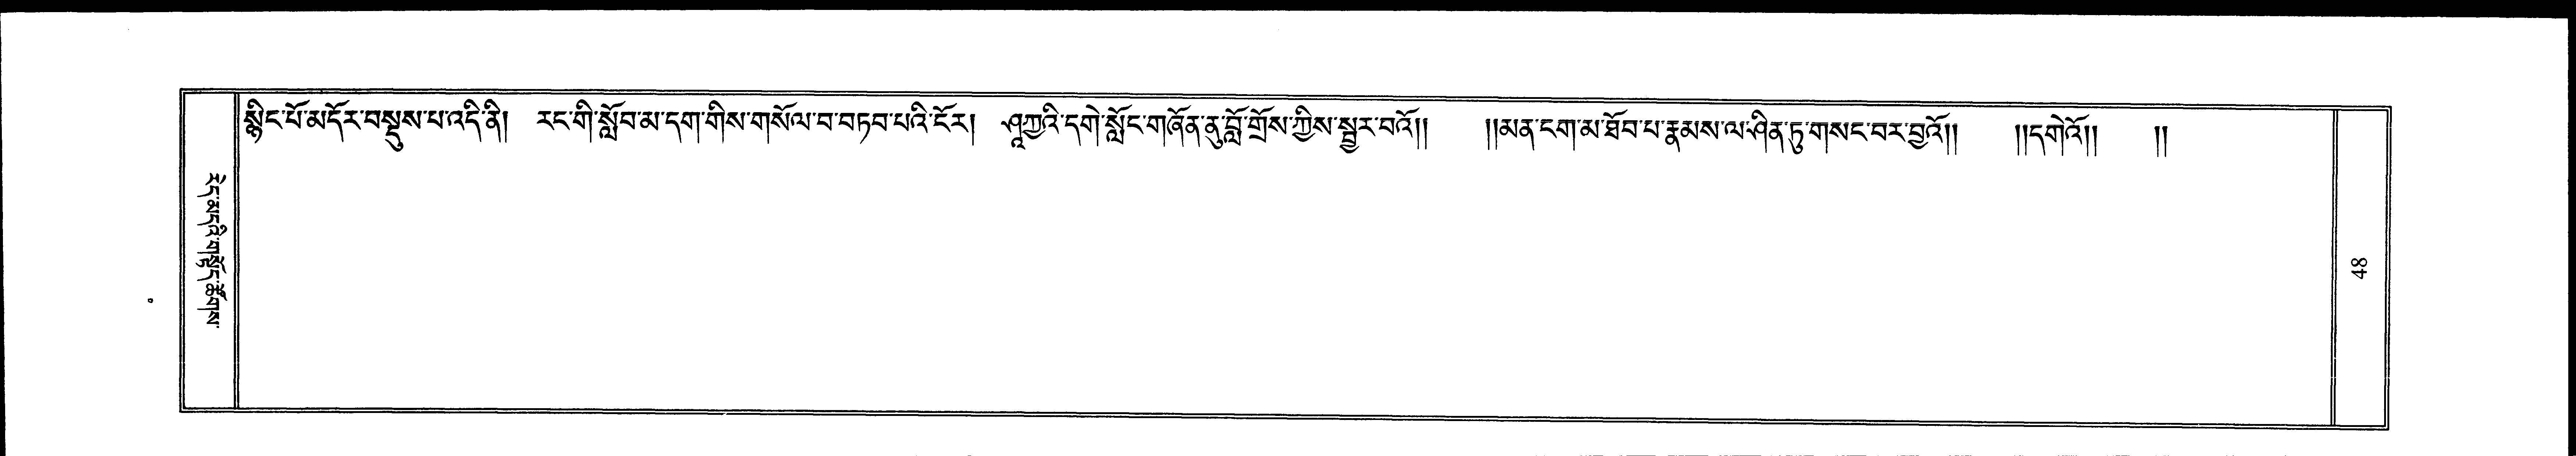སྙིང་པོ་མདོར་བསྡུས་པ་འདི་ནི། རང་གི་སློབ་མ་དག་གིས་གསོལ་བ་བཏབ་པའི་ངོར། ཤཱཀྱའི་དགེ་སློང་གཞོན་ནུ་བློ་གྲོས་ཀྱིས་སྦྱར་བའོ།། །།མན་ངག་མ་ཐོབ་པ་རྣམས་ལ་ཤིན་ཏུ་གསང་བར་བྱའོ།། །།དགེའོ།། །།